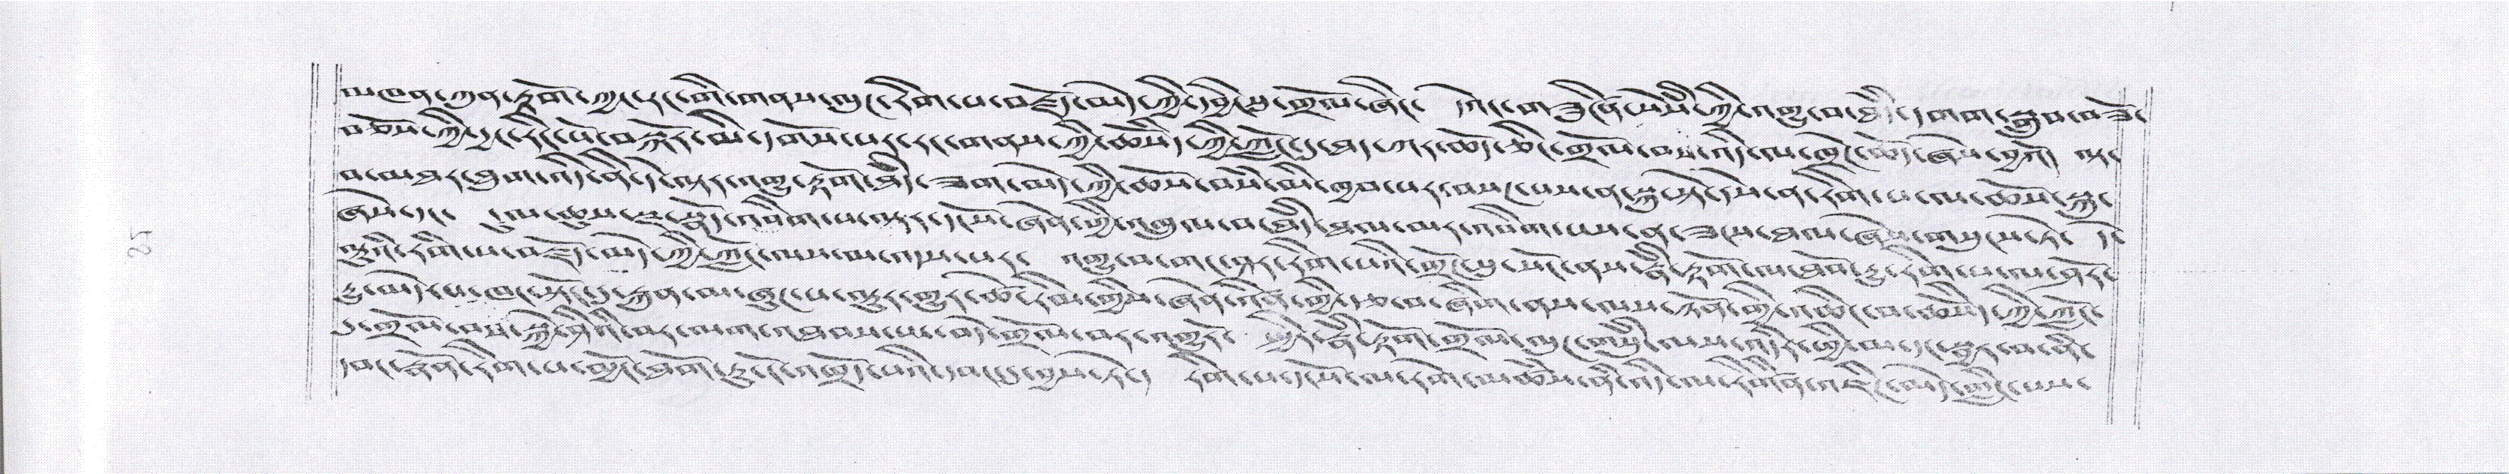མཁན་ཀུན་རྟོག་ཀྱང་རང་གི་གནས་ལུགས་རིག་པ་བརྗོེད་མེད་ཀྱི་དབྱིངས་སུ་གྲོལ་ཞིང་། དེའང་གཟུང་འཛིན་སེམས་ཀྱི་འགྱུ་བ་ཐམས་ཅད་དགག་སྒྲུབ་བཟོ་
བཅོས་ཀྱི་རྒྱང་རིང་པོ་བསྐོར་མི་དགོས་པར་རང་གནས་ཀྱི་ཆོས་ཉིད་ཀྱི་ཀློང་དུ་ཐད་ཀར་ཆོད་ཅིང་གྲོལ་བས་འདི་ལ་ཁྲེག་ཆོད་ཅེས་བྱའོ། །ལྟ་
བ་མཐར་ཐུག་འདི་ནི་དེ་ལྟར་འགྱུ་རྟོག་ཐམས་ཅད་ཟག་མེད་ཀྱི་ཆོས་བསམ་མི་ཁྱབ་པར་བསགས་པས་ན་སྐུ་སྟེ་དེས་ན་རིག་པ་ལ་ཆོས་སྐུ་
ཞེས་དང་། རྔུལ་ཆུས་རྫ་སྣོད་འབིགས་པ་ལྟར་དངོས་ཞེན་གྱི་འཁྲུལ་པ་ཐམས་ཅད་ཐལ་མར་འབིགས་པས་ན་ཟང་ཐལ་ཞེས་གསུངས་ཏེ། དེ་
ལྟ་བུའི་རིག་པ་བརྗོད་མེད་ཀྱི་ཀློང་ལས་མ་འདས་པར། འགྱུ་བ་གང་ཤར་རིག་པའི་གྲོགས་སུ་སོང་ནས་རྣམ་རྟོག་ལ་ཐོབ་རྒྱུ་རིག་པ་ལ་ཤོར་
རྒྱུ་མེད་པར་ཁང་སྟོང་དུ་རྐུན་མ་ཞུགས་པ་ལྟ་བུར་གྱུར་ཚེ་རིམ་གྱིས་ཞེན་འཛིན་གྱི་རྩ་བ་ཞིག་ནས་ལས་ཉོན་གྱི་འཆིང་བ་ཆོས་ཉིད་ཀྱི་ཀློང་
དུ་གྲོལ་བས་སྐྱེ་ཤིའི་བར་ལག་འཐབ་པས་བདེ་གྲོལ་བར་འགྱུར་རོ། སྤྱིར་རྣམ་རྟོག་གྲོལ་ལུགས་གསུམ་ལས་འདིར་ཕྱི་མ་དང་སྦྱར་བ་ནི་
དབང་རྣོན་རིག་པ་མྱོང་ཐོག་ཏུ་ངོ་འཕྲོད་པའི་ལུགས་སུ་བྱས་ཏེ། རིག་པ་དངོས་ལ་རེག་མཚམས་ནི་འདི་ལ་རིག་འཛིན་འཇིགས་མེད་གླིང་པས་